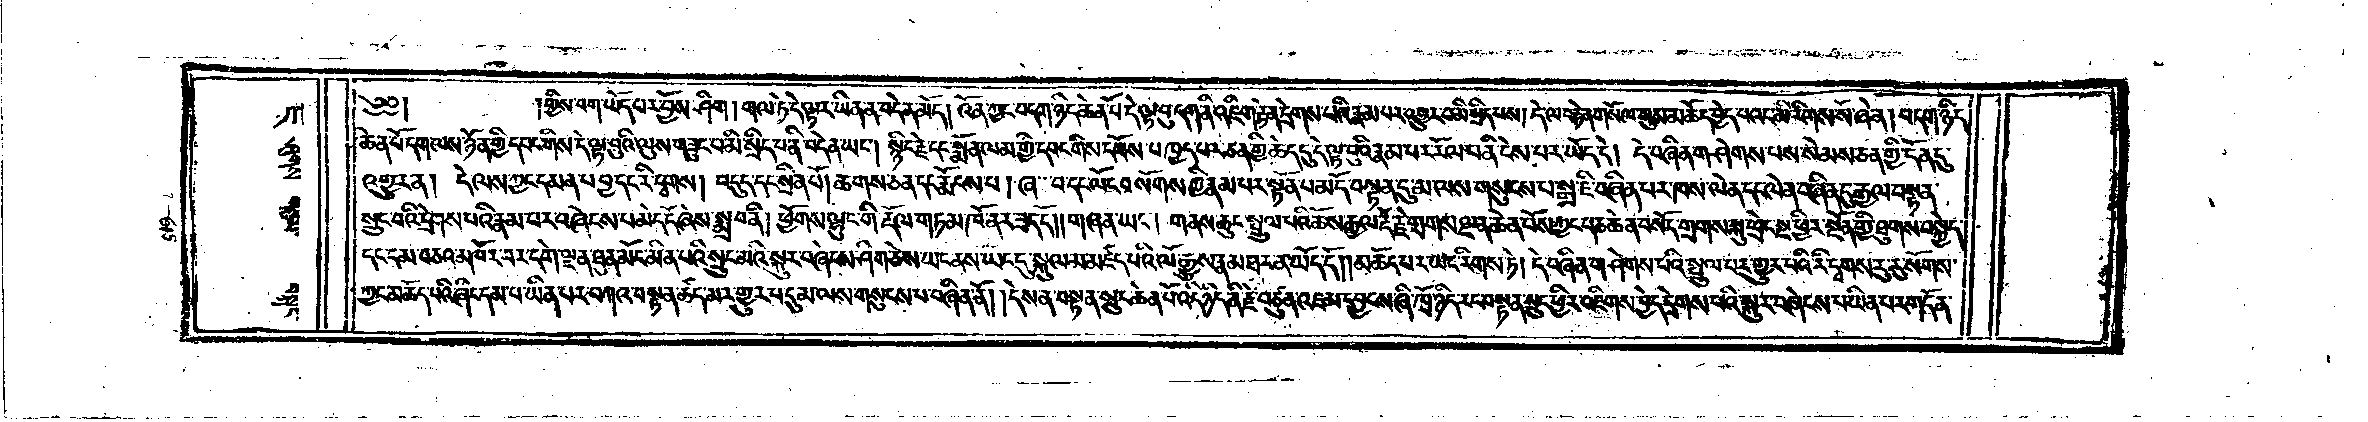༄༅། །གྱིས་བག་ཡོད་པར་བྱོས་ཤིག། གལ་ཏེ་དེ་ལྟར་ཡིན་ན་བདེན་མོད། འོན་ཀྱང་བདག་ཉིད་ཆེན་པོ་དེ་ལྟ་བུ་དག་ནི་འཇིག་རྟེན་དྲེགས་པའི་རྣམ་པར་འགྱུར་བ་མི་སྲིད་པས། དེ་ལ་བྲེན་གསོལ་གུས་མཆོད་བྱེད་པའང་མི་རིགས་སོ་ཞེ་ན། བདག་ཉིད་
ཆེན་པོ་དག་ལས་ཉོན་གྱི་དབང་གིས་དེ་ལྟ་བུའི་ལུས་གཟུང་བ་མི་སྲིད་པ་ནི་བདེན་ཡང་། སྙིང་རྗེ་དང་སྨོན་ལམ་གྱི་དབང་གིས་དགོས་བ་ཁྱད་པར་ཅན་གྱི་ཆེད་དུ་དེ་ལྟ་བུའི་རྣམ་པར་རོལ་བ་ནི་ངེས་པར་ཡོད་དེ། དེ་བཞིན་གཤེགས་པས་སེམས་ཅན་གྱི་དོན་དུ་
འགྱུར་ན། དེ་ལས་ཀྱང་དམན་པ་བྱ་དང་རི་དྭགས། བདུད་དང་སྲིན་པོ། ཆགས་ཅན་དང་རྨོངས་པ། ཞ་བ་དང་ལོངས་སོགས་ཀྱི་རྣམ་པར་སྟོན་བ་མདོ་བསྟན་དུ་མ་ལུས་གསུངས་པ་སྒྲ་ཇི་བཞིན་པར་ཁས་ལེན་པ་དང་ལེན་བཞིན་དུ་རྒྱལ་བསྟན་
སྲུང་བའི་དྲེགས་པའི་རྣམ་པར་བཞེངས་པ་མེད་དོ་ཞེས་སྨྲ་བ་ནི། ཕྱོགས་ལྷུང་གི་རྡོལ་གཏམ་ཁོ་ནར་ཟད་དོ། །གཞན་ཡང་། གནས་ཆུང་སྤྲུལ་པའི་ཆོས་རྒྱལ་རྡོ་རྗེ་གྲགས་ལྡན་ཆེན་པོས་ཀྱང་པཎ་ཆེན་བསོད་གྲགས་སྐུ་ཕྲེང་སྔ་ཕྱིར་སྔོན་གྱི་ཐུགས་བསྐྱེད་
དང་དམ་བཅའམ་བོར་བར་དགེ་ལྡན་ཐུན་མོང་མིན་པའི་སྲུང་མའི་སྐུར་བཞེངས་ཤིག་ཅེས་ཡང་ནས་ཡང་དུ་སྐུལ་མ་མཛད་པའི་ལོ་རྒྱུས་རྣམ་ཐར་ན་ཡོད་དོ། །མཆོད་པར་ཡང་རིགས་ཏེ། དེ་བཞིན་གཤེགས་པའི་སྤྲུལ་བར་གྱུར་བའི་རི་དྭགས་རུ་རུ་སོགས་
ཀྱང་མཆོད་པའི་ཞིང་དམ་པ་ཡིན་བར་བཀའ་བསྟན་ཚད་མར་གྱུར་པ་དུ་མ་ལས་གསུངས་པ་བཞིན་ནོ། །དེས་ན་བསྟན་སྲུང་ཆེན་པོ་འདི་ཉིད་ནི་རྗེ་བཙུན་འཇམ་དབྱངས་ཞི་ཁྲོ་ཉིད་རང་བསྟན་སྲུང་ཕྱིར་འཇིགས་བྱེད་དྲེགས་པའི་སྐུར་བཞེངས་པ་ཡིན་པར་གདོན་